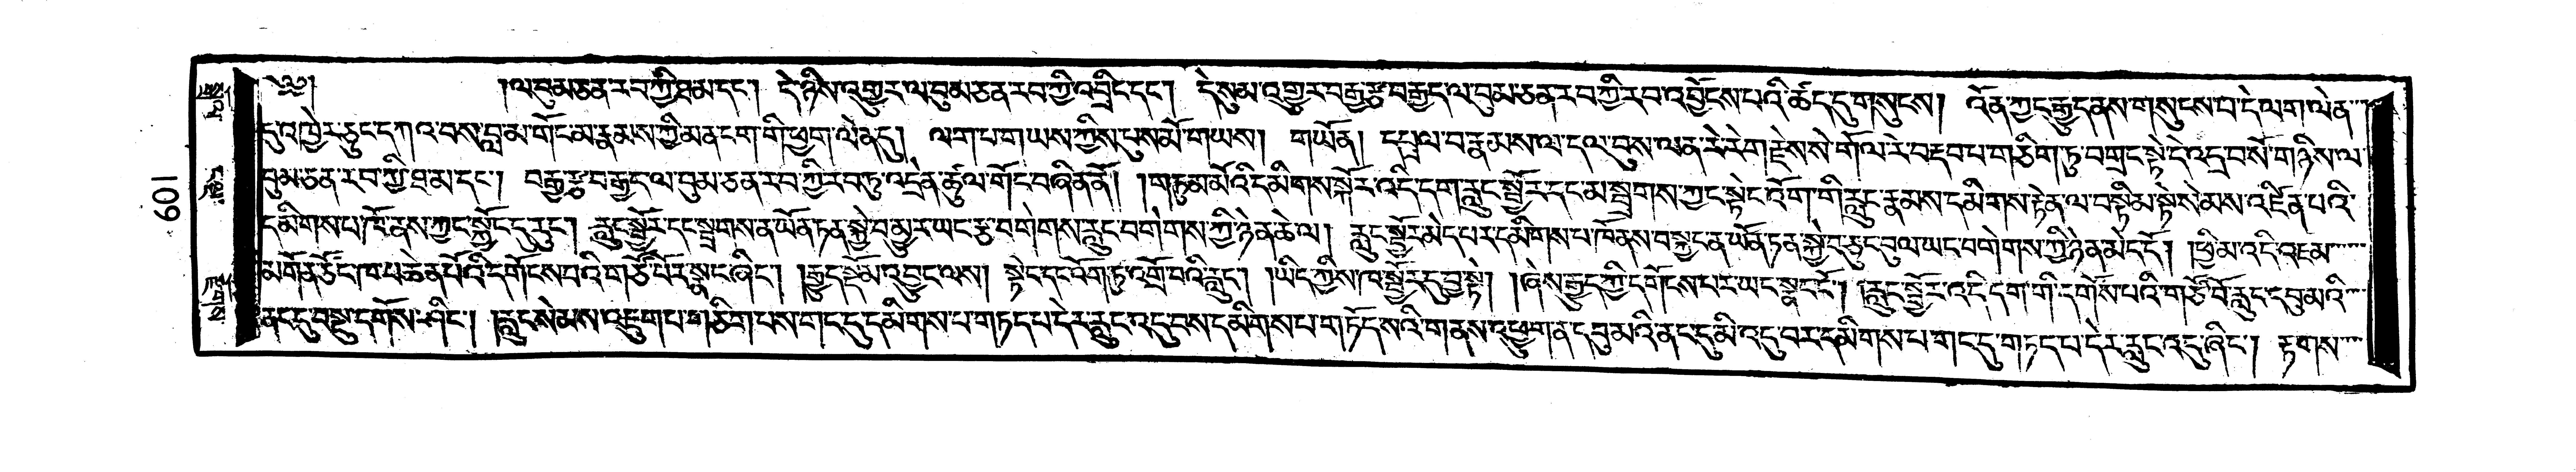༄༅། །ལ་བུམ་ཅན་རབ་ཀྱི་ཐམ་དང་། དེ་ཉིས་འགྱུར་ལ་བུམ་ཅན་རབ་ཀྱི་འབྲིང་དང་། དེ་སུམ་འགྱུར་བརྒྱ་རྩ་བརྒྱད་ལ་བུམ་ཅན་རབ་ཀྱི་རབ་འབྱོངས་པའི་ཚད་དུ་གསུངས། འོན་ཀྱང་རྒྱུད་ནས་གསུངས་པ་དེ་ལག་ལེན་
དུ་འཁྱེར་ཅུང་དཀའ་བས་བླ་མ་གོང་མ་རྣམས་ཀྱི་མན་ངག་གི་ཕྱག་ལེན་དུ། ལག་པ་གཡས་ཀྱིས་བུས་མོ་གཡས། གཡོན། དཔྲལ་བ་རྣམས་ལ་དལ་བུས་ལན་རེ་རེག་རྫེས་སེ་གོལ་རེ་བརྡབ་པ་གཅིག་ཏུ་བྲང་སྟེ་དེ་འདྲབ་སོ་གཉིས་ལ་
བུམ་ཅན་རབ་ཀྱི་ཐ་མ་དང་། བརྒྱ་རྩ་བརྒྱད་ལ་བུམ་ཅན་རབ་ཀྱི་རབ་ཏུ་འདྲེན་ཚུལ་གོང་བཞིན་ནོ། །གཏུམ་མོའི་དམིགས་སྐོར་འདི་དག་རླུང་སྦྱོར་དང་མ་སྦྲགས་ཀྱང་སྟེང་འོག་གི་རླུང་རྣམས་དམིགས་རྟེན་ལ་བསྟིམ་སྟེ་སེམས་འཛིན་པའི་
དམིགས་པ་ཁོ་ནས་ཀྱང་སྐྱོང་དུ་རུང་། རླུང་སྦྱོར་དང་སྦྲགས་ན་ཡོན་ཏན་སྐྱེ་བ་མྱུར་ཡང་རྩ་བགེགས་རླུང་བགེགས་ཀྱི་ཉེན་ཆེ་ལ། རླུང་སྦྱོར་མེད་པར་དམིགས་པ་ཁོ་ནས་བསྐྱང་ན་ཡོན་ཏན་སྐྱེ་བ་ཅུང་བུལ་ཡང་བགེགས་ཀྱི་ཉིན་མེད་དོ། །ཕྱི་མ་འདི་འཇམ་
མགོན་ཙོང་ཁ་པ་ཆེན་པོའི་དགོངས་པའི་གཙོ་བོར་སྣང་ཞིང་། རྒྱུད་སྡོམ་འབྱུང་ལས། སྟེང་དང་འོག་ཏུ་འགྲོ་བའི་རླུང་། །ཡིད་ཀྱིས་ཁ་སྦྱོར་དུ་བྱ་སྟེ། །ཞེས་རྒྱུད་ཀྱི་དགོངས་པར་ཡང་སྣང་ངོ། །རླུང་སྦྱོར་འདི་དག་གི་དགོས་པའི་གཙོ་བོ་རླུང་དབུ་མའི་
ནང་དུ་བསྡུ་དགོས་ཤིང་། རླུང་སེམས་འཇུག་པ་གཅིག་པས་གང་དུ་དམིགས་པ་གཏད་པ་དེར་རླུང་འདུ་བས་དམིགས་པ་གཏོད་སའི་གནས་འཕྱུག་ན་དབུ་མའི་ནང་དུ་མི་འདུ་བར་དམིགས་པ་གང་དུ་གཏད་པ་དེར་རླུང་འདུ་ཞིང་། རྟགས་